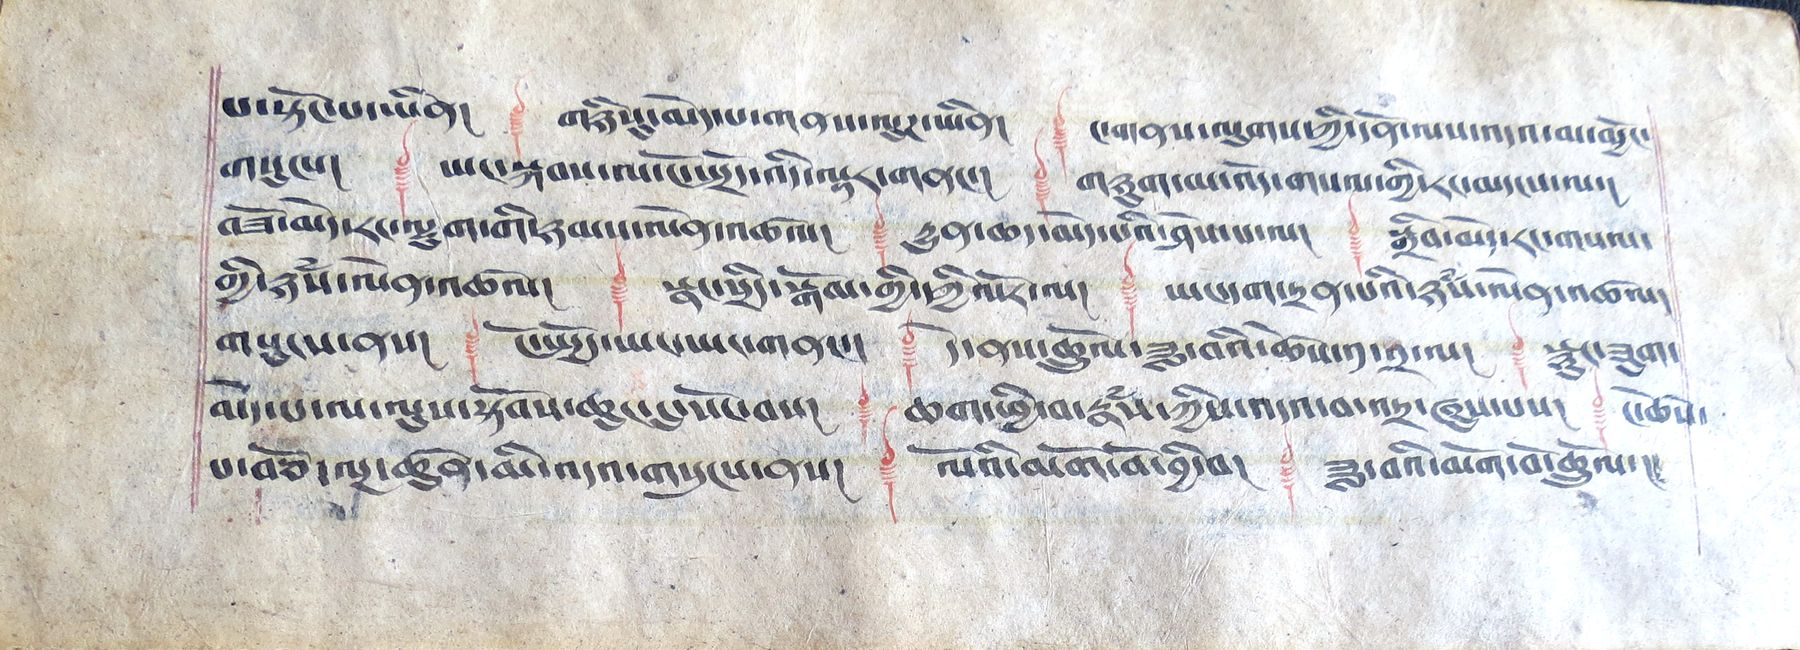པ་སྟོང་པ་ཡིན། གཉིས་སུ་མེད་པ་གནས་ལུགས་ཡིན། ང་གནས་ལུགས་ཀྱི་དོན་ལས་འདའ་མ་མྱོང་
གསུངས། ཡང་སྐབས་ལ་ངོ་སྤྲོད་འདི་ལྟར་གནང་། གཉུག་མ་འོད་གསལ་གྱི་རང་མདངས་ལ། 
བཟོ་མེད་རང་ལུགས་ཀྱི་ཉམས་ལེན་འཚལ། རྒྱུན་ཆད་མེད་པའི་ཤེས་པ་ལ། སྒྲིབ་མེད་རང་གསལ་
གྱི་ཉམས་ལེན་འཚལ། སྣང་སྲིད་སྒོམ་གྱི་དཀྱིལ་འཁོར་ལ། ཡང་དག་དྲན་པའི་ཉམས་ལེན་འཚལ་
གསུངས་ནས། ངོ་སྤྲོད་ཡང་ཡང་གནང་། དེ་ནས་ཆོ་འཕྲུལ་ཟླ་བའི་ཚེས་གཅིག་གཉིས་ལ། བསྙུང་ཟུག་
མེད་པ་ལ་སྟོབས་ཆུང་དུ་སོང་བ་ལ། ཆགས་ཕྱི་བ་རྣམས་ཀྱིས་འདའ་བ་འདྲ་ཞུས་པ་ལ། ང་ཚེས་
པ་བཅོ་ལྔ་ཚུན་ལ་མི་འདའ་གསུངས་ནས། ལོའི་འགོ་བོ་བྱི་བ། ཟླ་བའི་འགོ་བོ་ཆོ་འཕྲུལ་